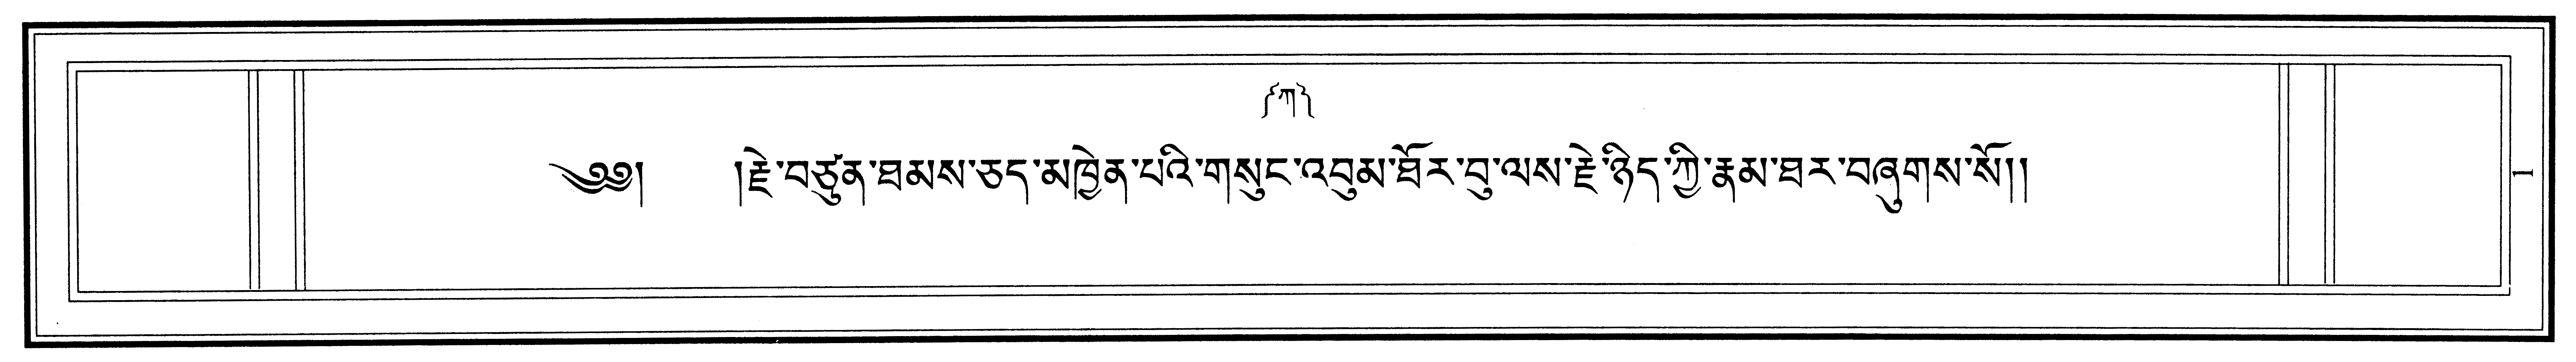༄༅། །རྗེ་བཙུན་ཐམས་ཅད་མཁྱེན་པའི་གསུང་འབུམ་ཐོར་བུ་ལས་རྗེ་ཉིད་ཀྱི་རྣམ་ཐར་བཞུགས་སོ།།